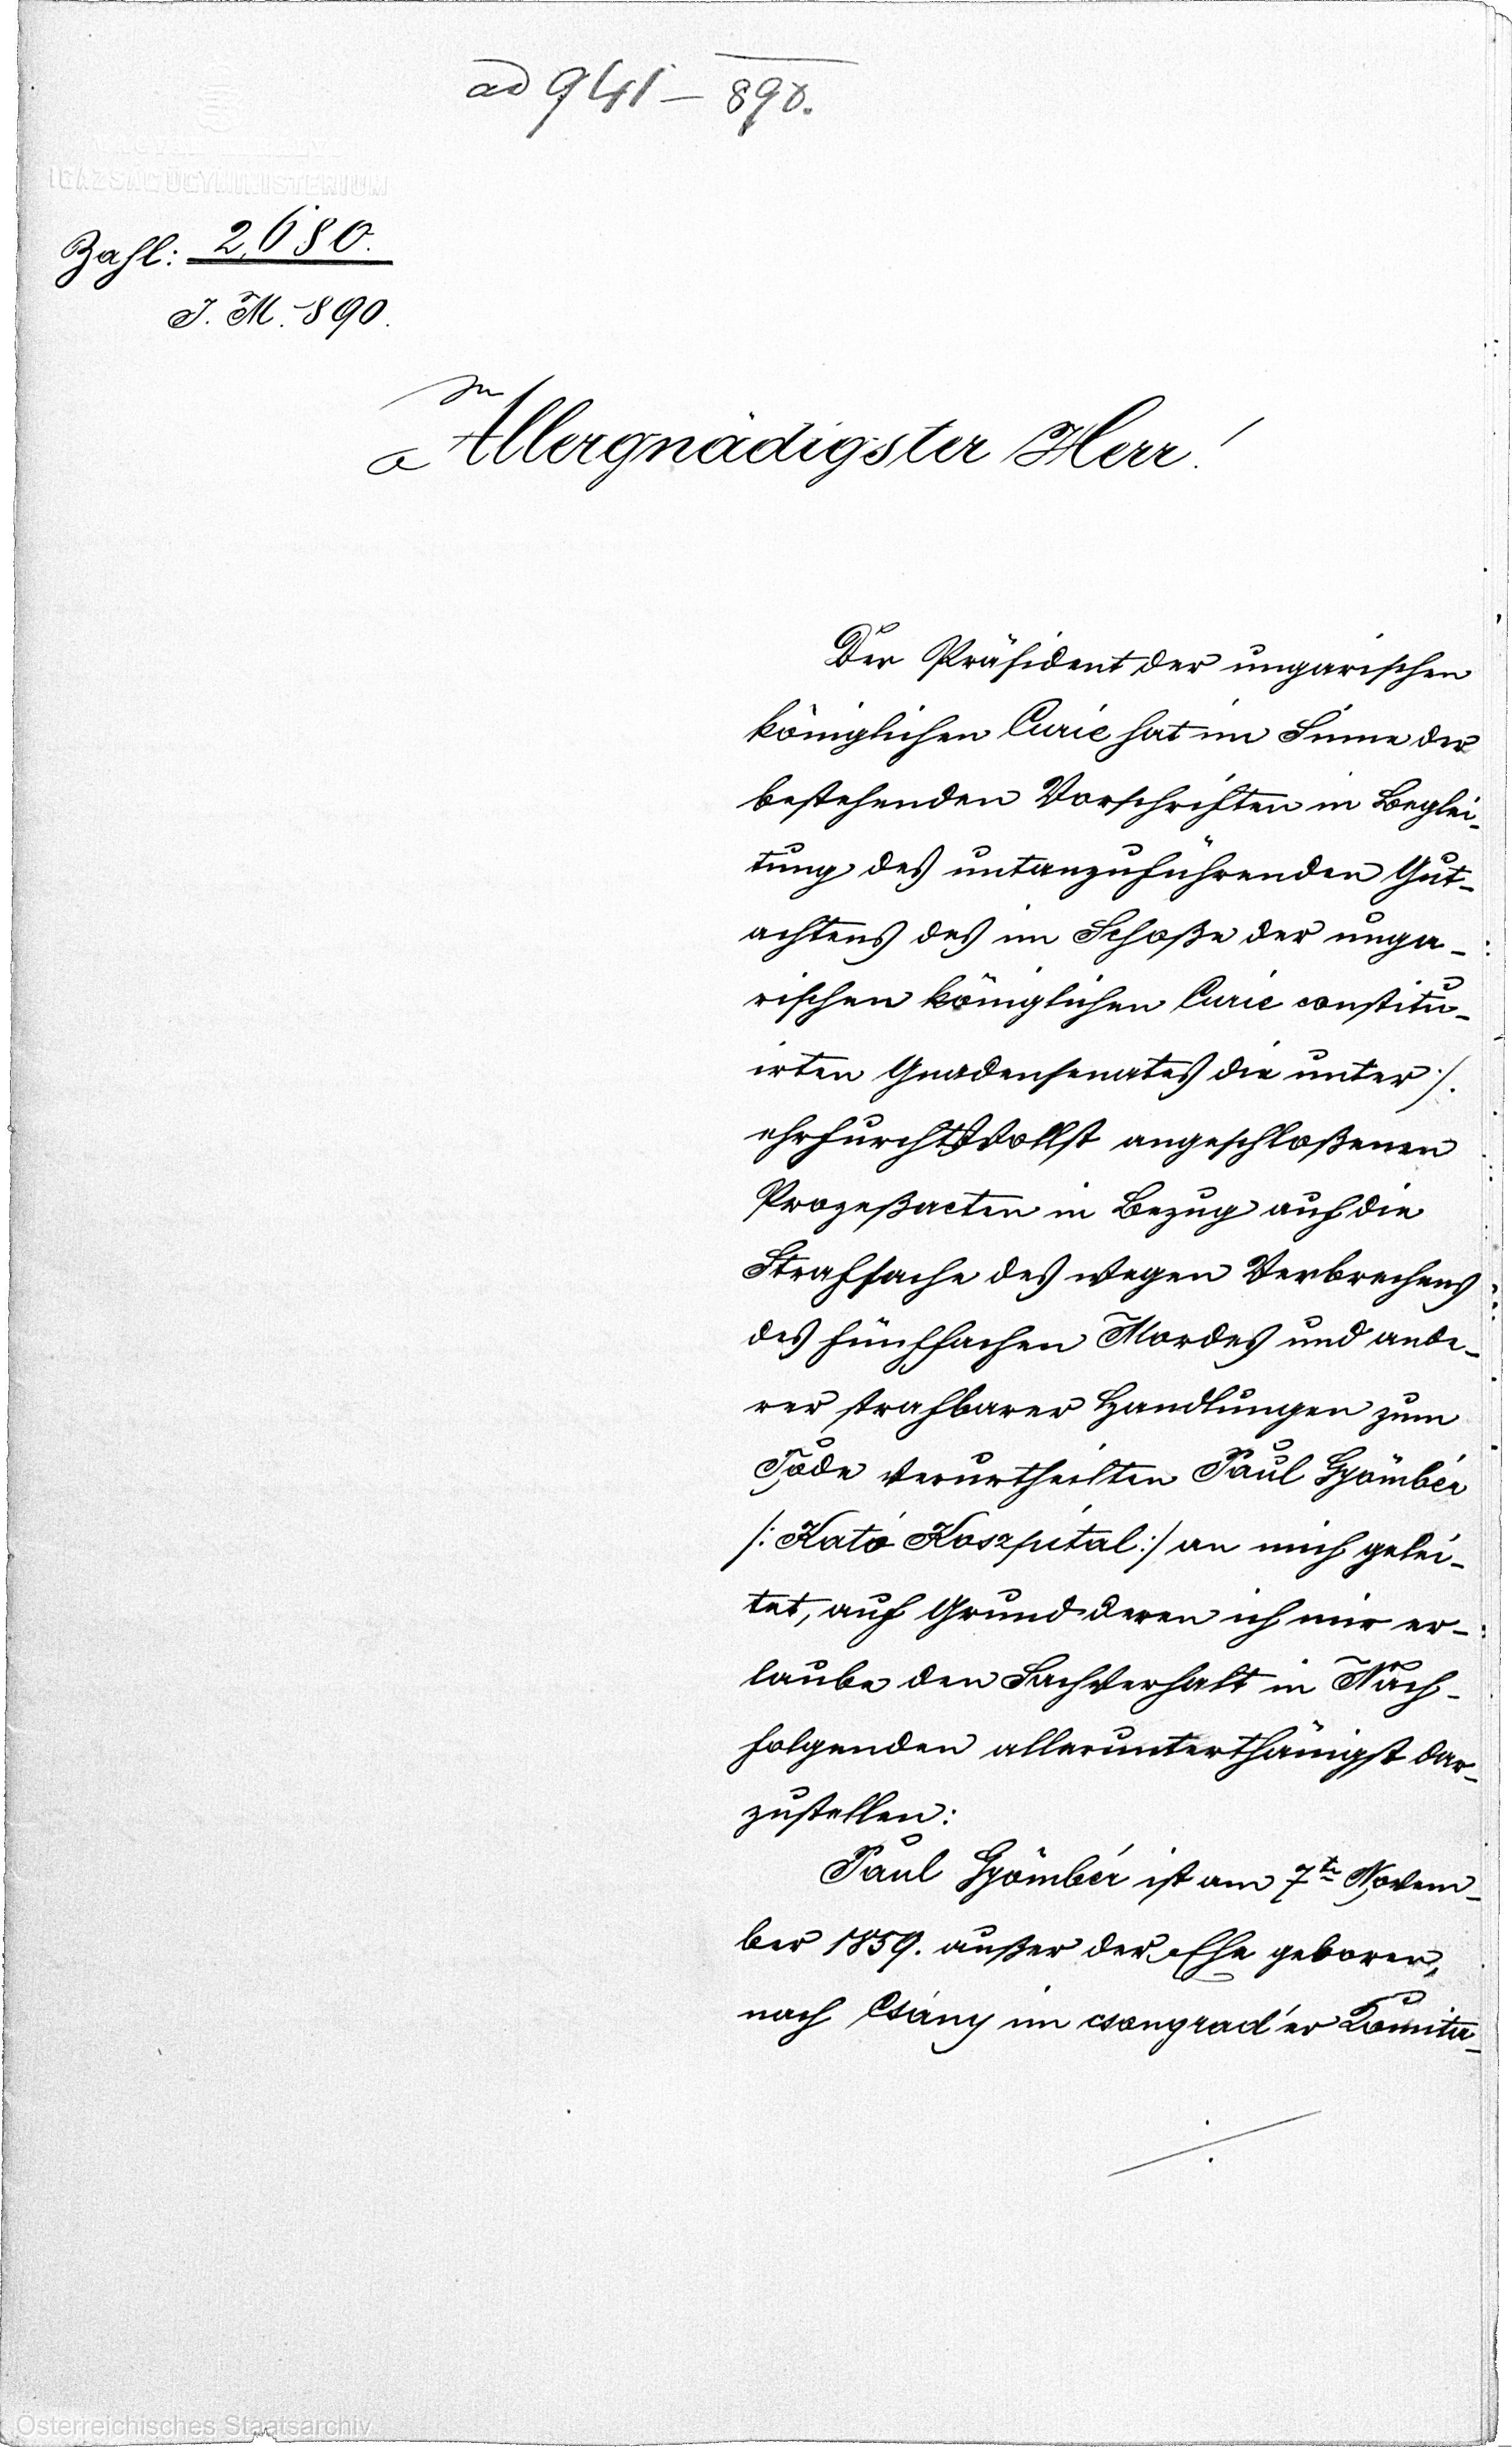ad 941–890.
2680.
Zahl:
J.M. 890.
a Sn Allergnädigster Herr!
Der Präsident der ungarischen
königlichen Curie hat im Sinne der
bestehenden Vorschriften in Beglei¬
tung des untanzuhührenden Gut¬
achtens des im Schoße der unga¬
rischen königlichen Curie constitu¬
irten Gnadensenates die unter ./.
ehrfurchtsvollst angeschloßenen
Prozeßacten in Bezug auf die
Strafsache des wegen Verbrechens
des fünffachen Mordes und ande¬
rer strafbarer Handlungen zum
Tode Verurtheilten Paul Gyömbér
/:Kató Koszpital:/ an mich gelei¬
tet, auf Grund deren ich mir er¬
laube den Sachverhalt in Nach
folgenden allerunterthänigst dar¬
zustellen:
Paul Gyömbér ist am 7th Novem¬
ber 1859. außer der Ehe geboren,
nach Csány im csangrad'er Komita